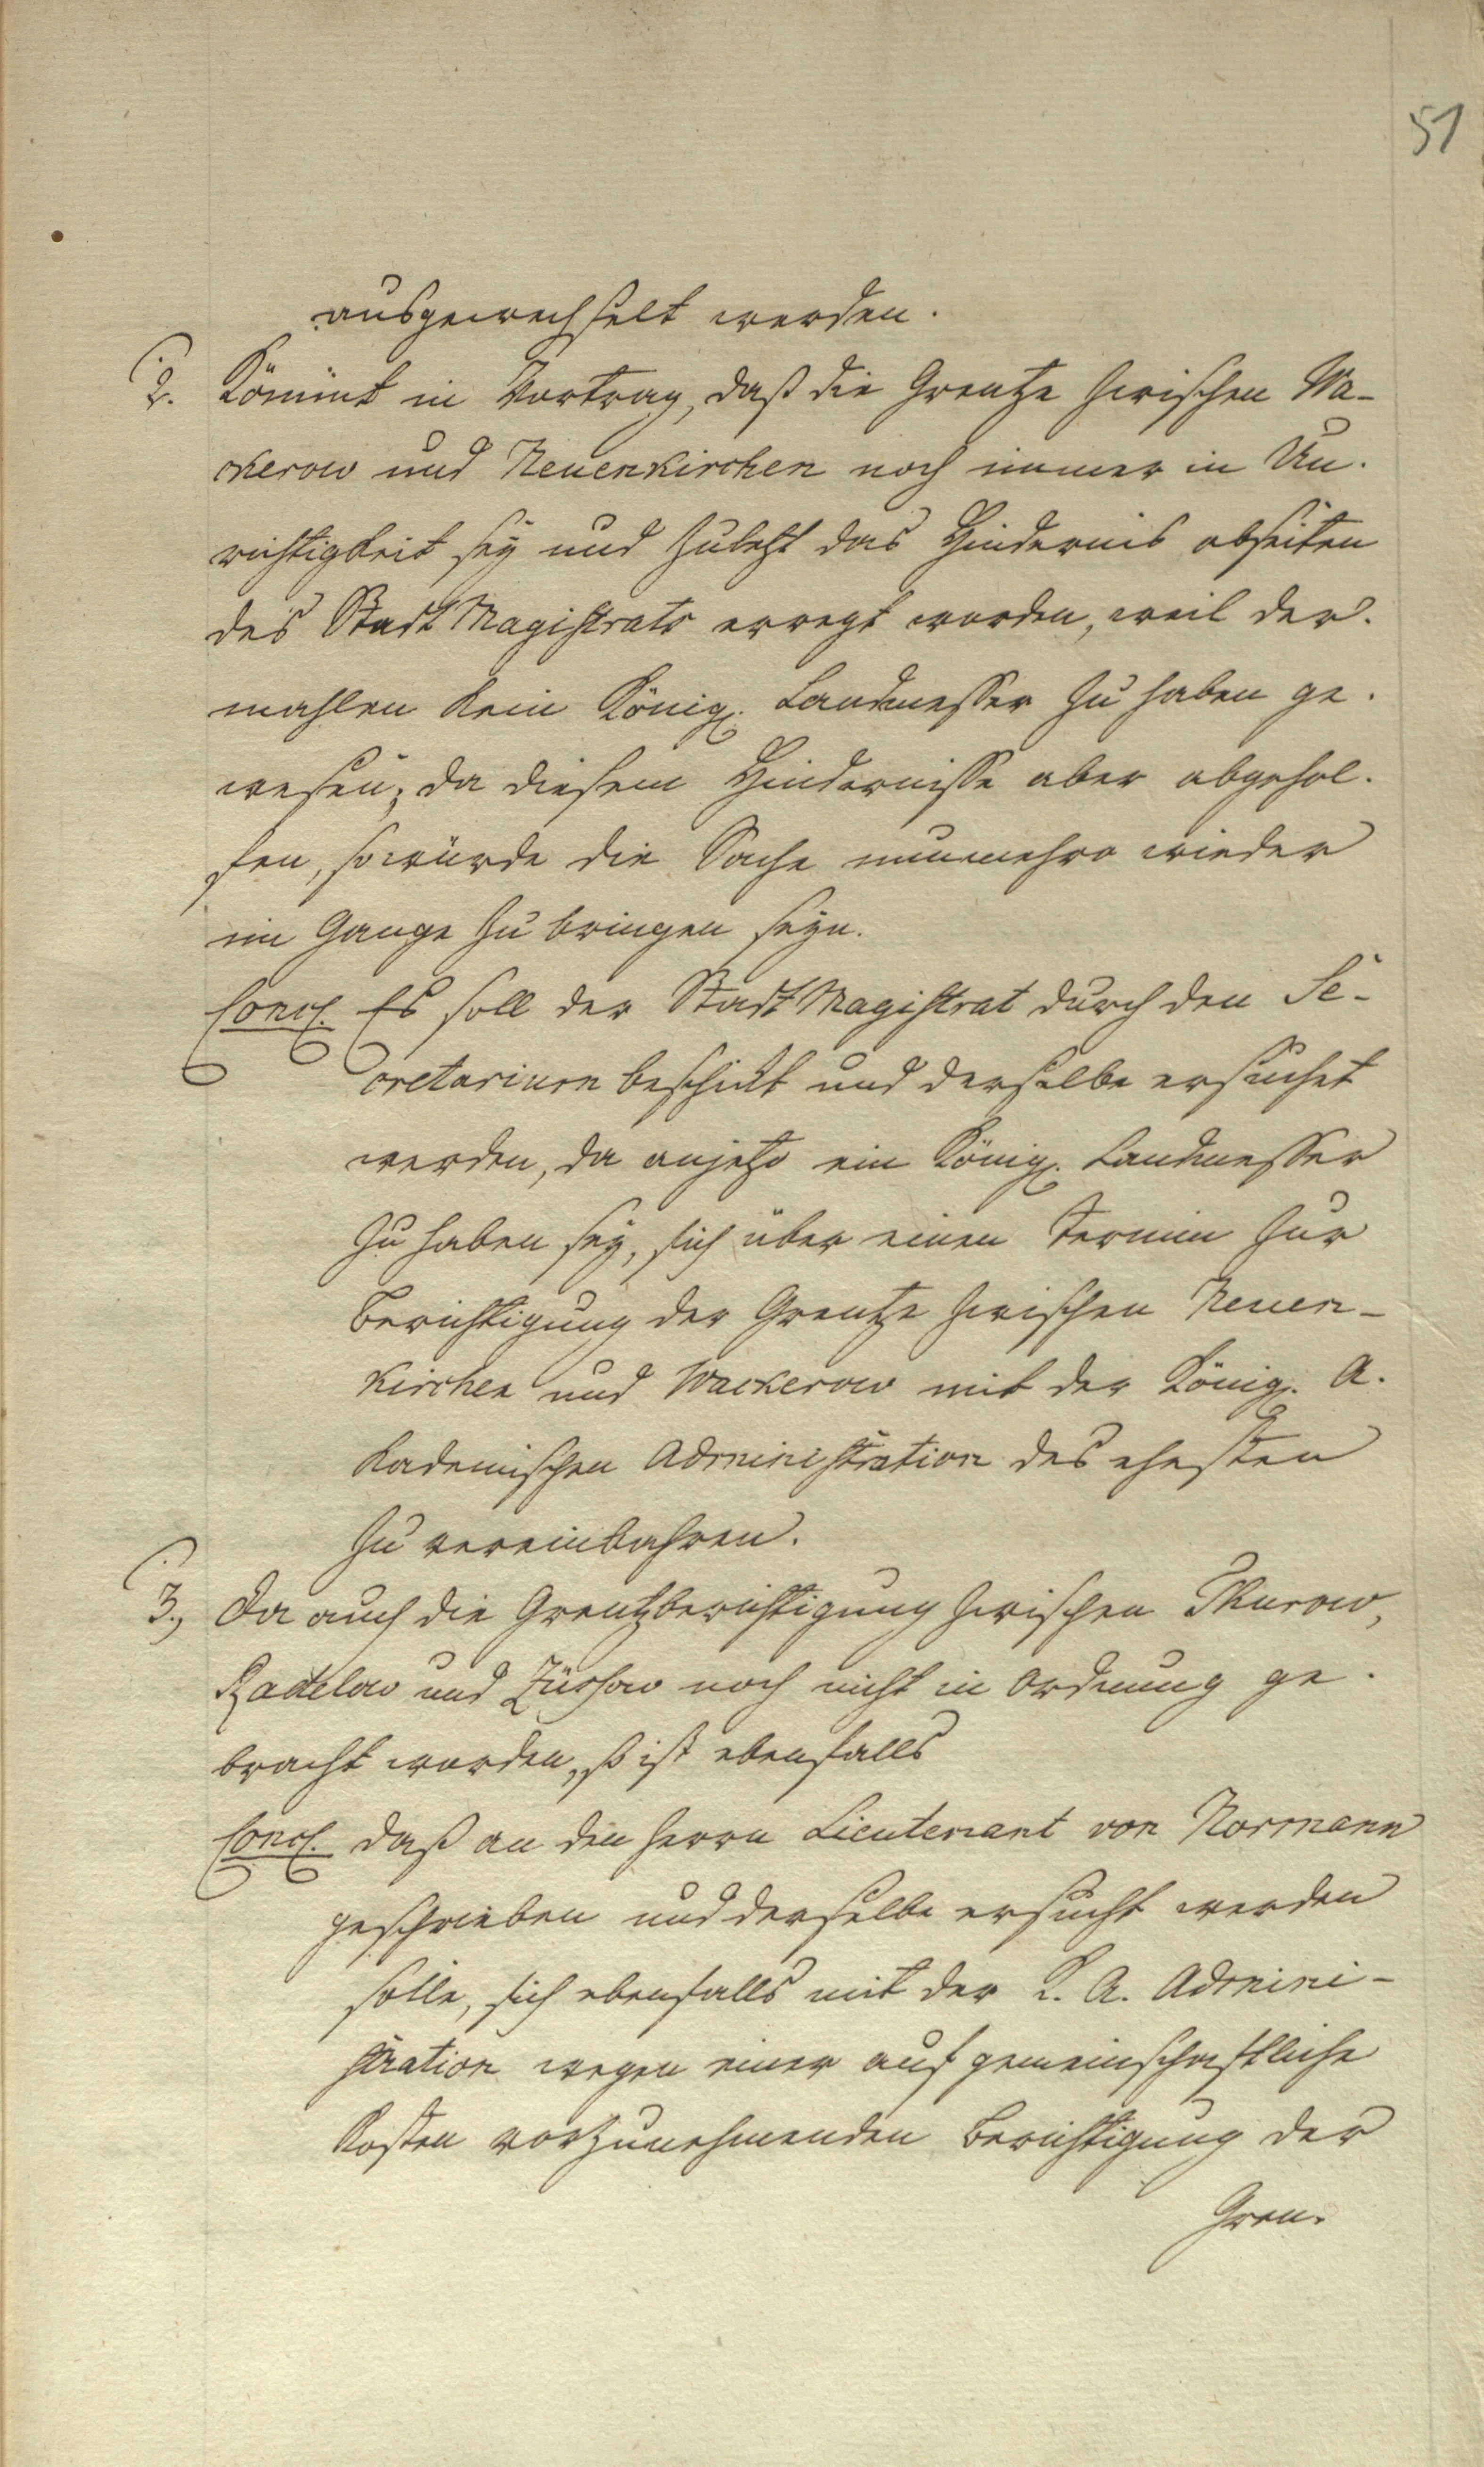ausgewechselt werden.
2. Kömmt in Vortrag, daß die Grentze zwischen Wa¬
ckerow und Neuenkirchen noch immer in Un¬
richtigkeit seÿ und zuletzt das Hindernis abseiten
des Stadt Magistrats erregt worden, weil der¬
mahlen kein Königl. Landmesser zu haben ge¬
wesen; da diesem Hindernisse aber abgehol¬
fen, so würde die Sache nunmehro wieder
im Gange zu bringen seÿn.
Concl. Es soll der Stadt Magistrat durch den Se¬
cretarium beschickt und derselbe ersuchet
werden, da anjetzo ein Königl. Landmesser
zu haben seÿ, sich über einen Termin zur
Berichtigung der Grentze zwischen Neuen¬
Kirchen und Wackerow mit der Königl. A¬
kademischen Administration des ehesten
zu vereinbahren.
3., Da auch die Grentzberichtigung zwischen Thurow,
Radelow und Züssow noch nicht in Ordnung ge¬
bracht worden, so ist ebenfalls
Concl. daß an den Herrn Lieutenant von Normann
geschrieben und derselbe ersucht werden
solle, sich ebenfalls mit der K. A. Admini¬
stration wegen einer auf gemeinschaftliche
Kosten vorzunehmenden Berichtigung der
Gren¬